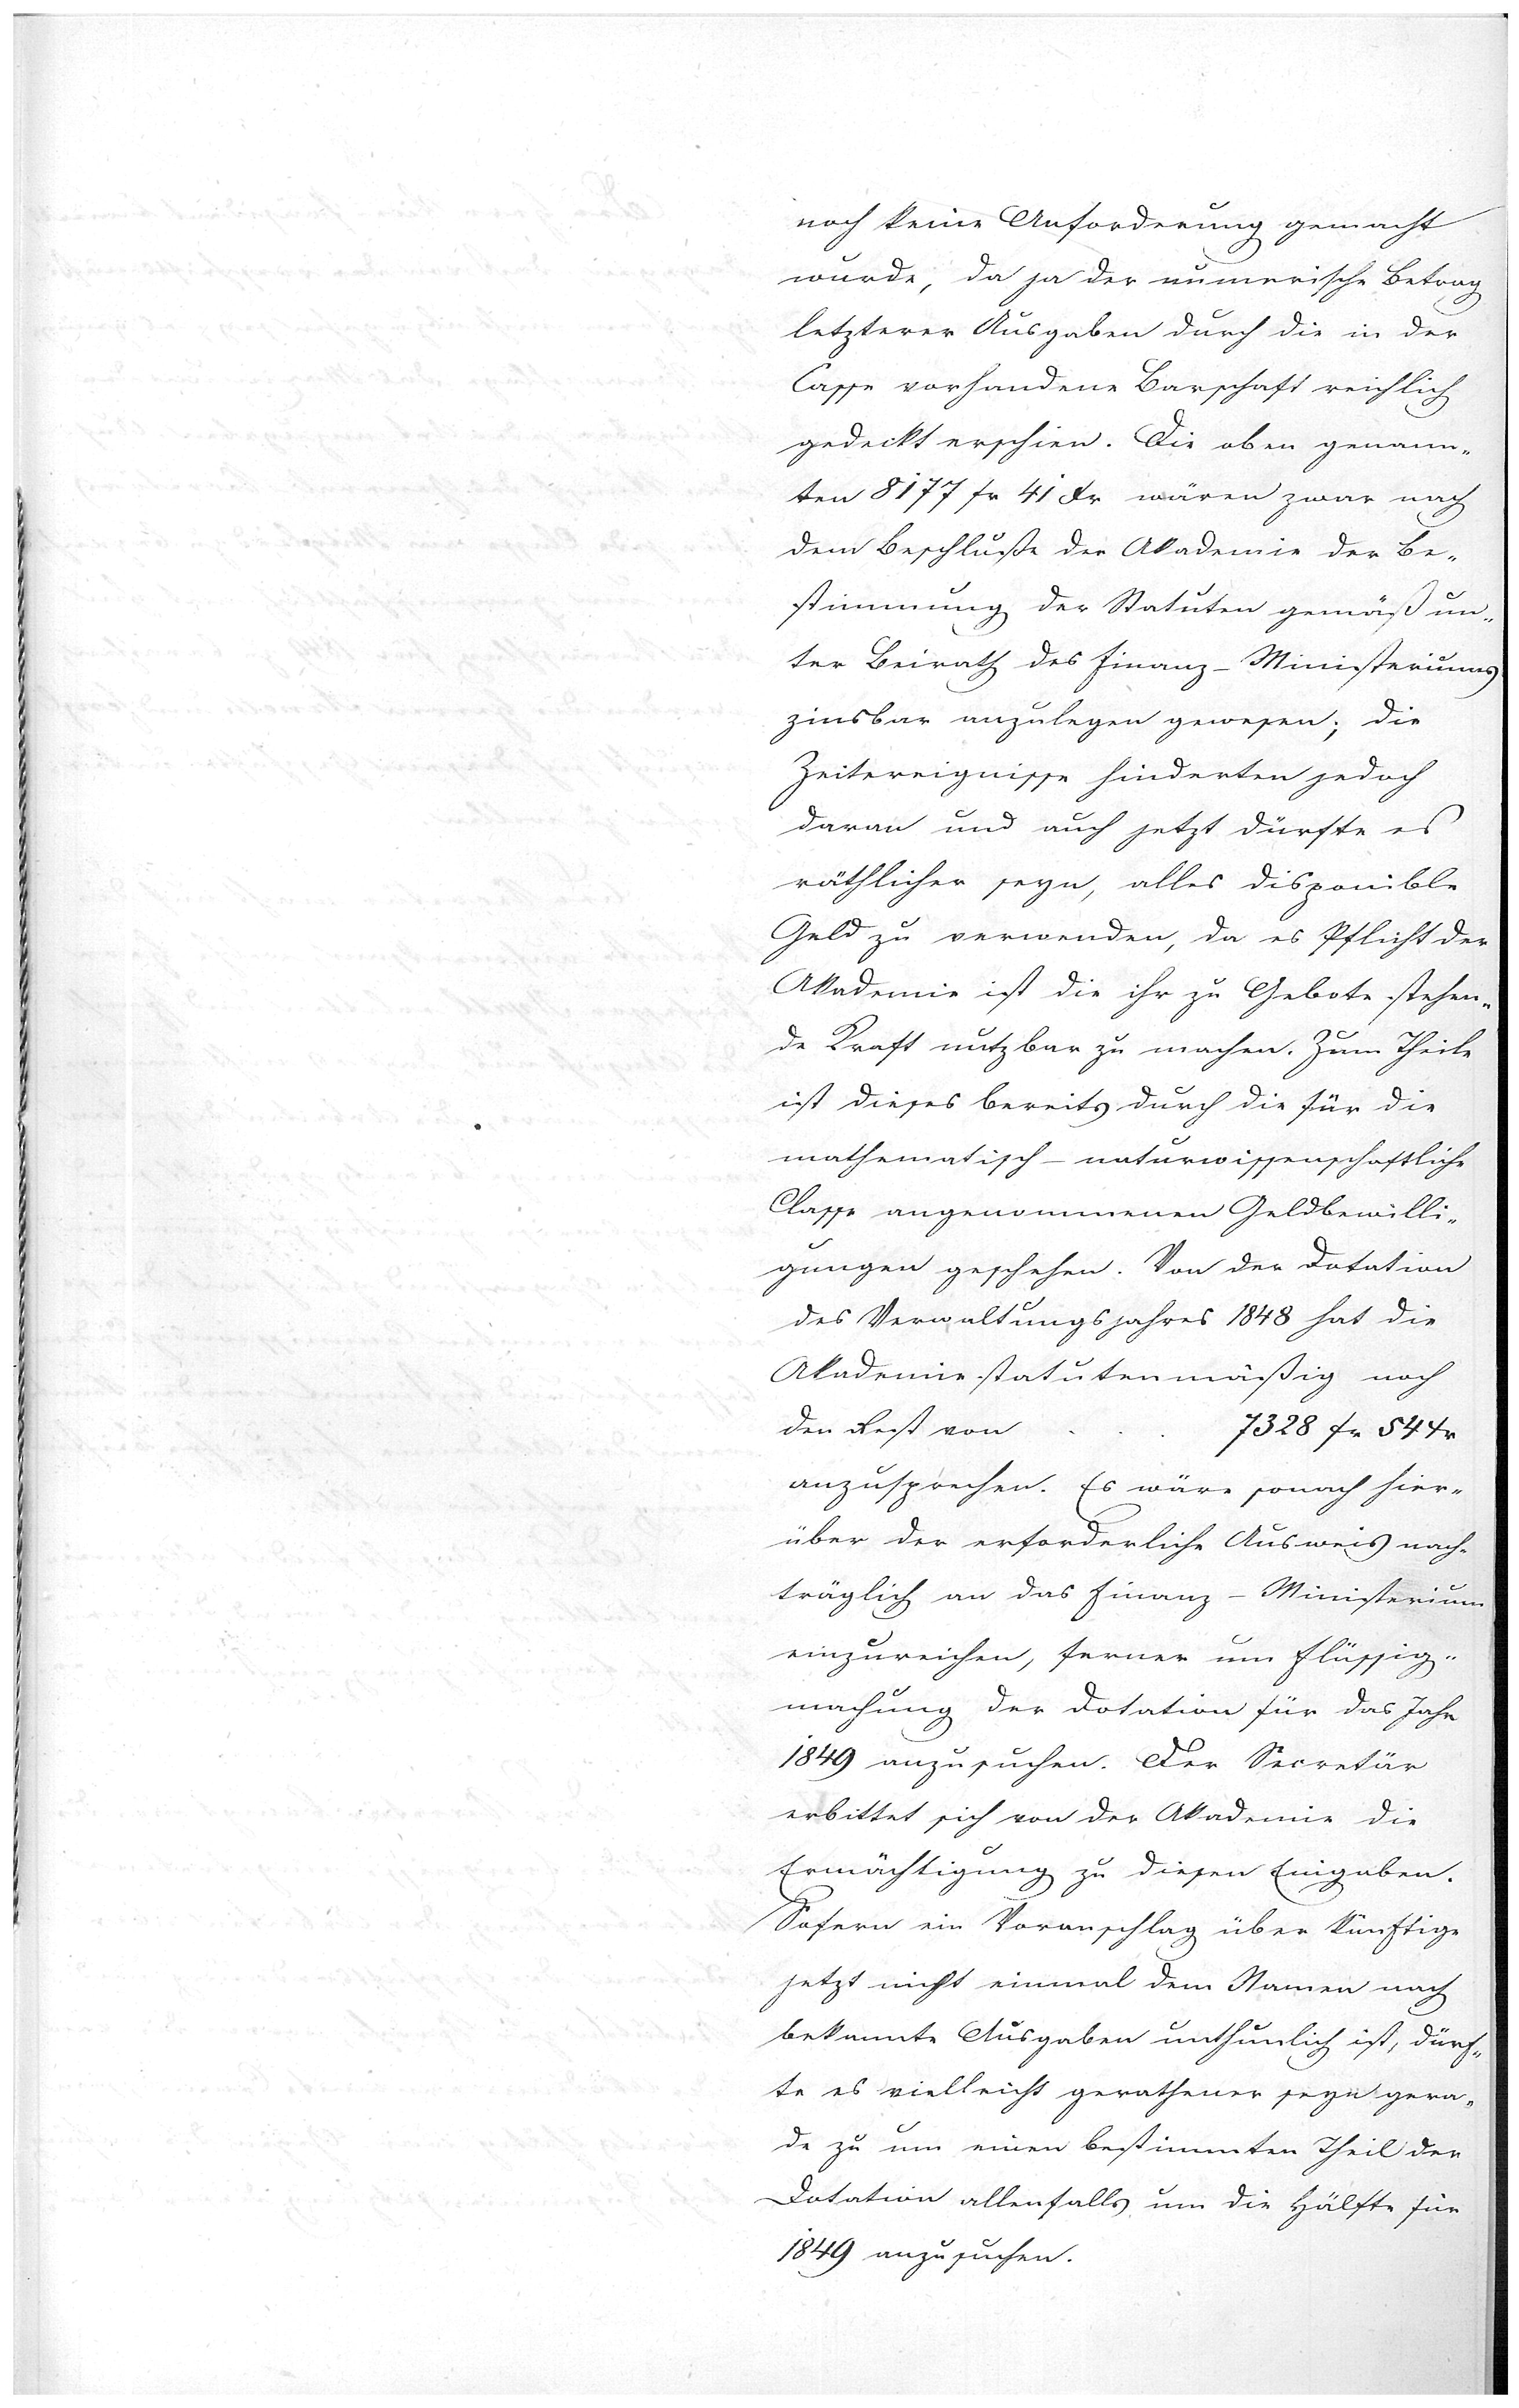noch keine Anforderung gemacht
wurde, da ja der numerische Betrag
letzterer Ausgaben durch die in der
Casse vorhandene Barschaft reichlich
gedeckt erschien. Die oben genann-
ten 8177 fr 41 kr wären zwar nach
dem Beschlusse der Akademie der Be-
stimmung der Statuten gemäß un-
ter Beirath des Finanz-Ministeriums
zinsbar anzulegen gewesen; die
Zeitereignisse hinderten jedoch
daran und auch jetzt dürfte es
räthlicher seyn, alles disponible
Geld zu verwenden, da es Pflicht der
Akademie ist die ihr zu Gebote stehen-
de Kraft nutzbar zu machen. Zum Theile
ist dieses bereits durch die für die
mathematisch-naturwissenschaftliche
Classe angenommenen Geldbewilli-
gungen geschehen. Von der Dotation
des Verwaltungsjahres 148 hat die
Akademie statutenmäßig noch
den Rest von 7328 fr 54 kr
anzusprechen. Es wäre sonach hier-
über der erforderliche Ausweis nach-
träglich an das Finanz-Ministerium
einzureichen, ferner um Flüssig-
machung der Dotation für das Jahre
1849 anzusuchen. Der Secretär
erbittet sich von der Akademie die
Ermächtigung zu diesen Eingaben.
Sofern ein Voranschlag über künftige
jetzt nicht einmal dem Namen nach
bekannte Ausgaben unthunlich ist, dürf-
te es vielleicht gerathener seyn gera-
de zu um einen bestimmten Theil der
Dotation allenfalls um die Hälfte für
1849 anzusuchen.